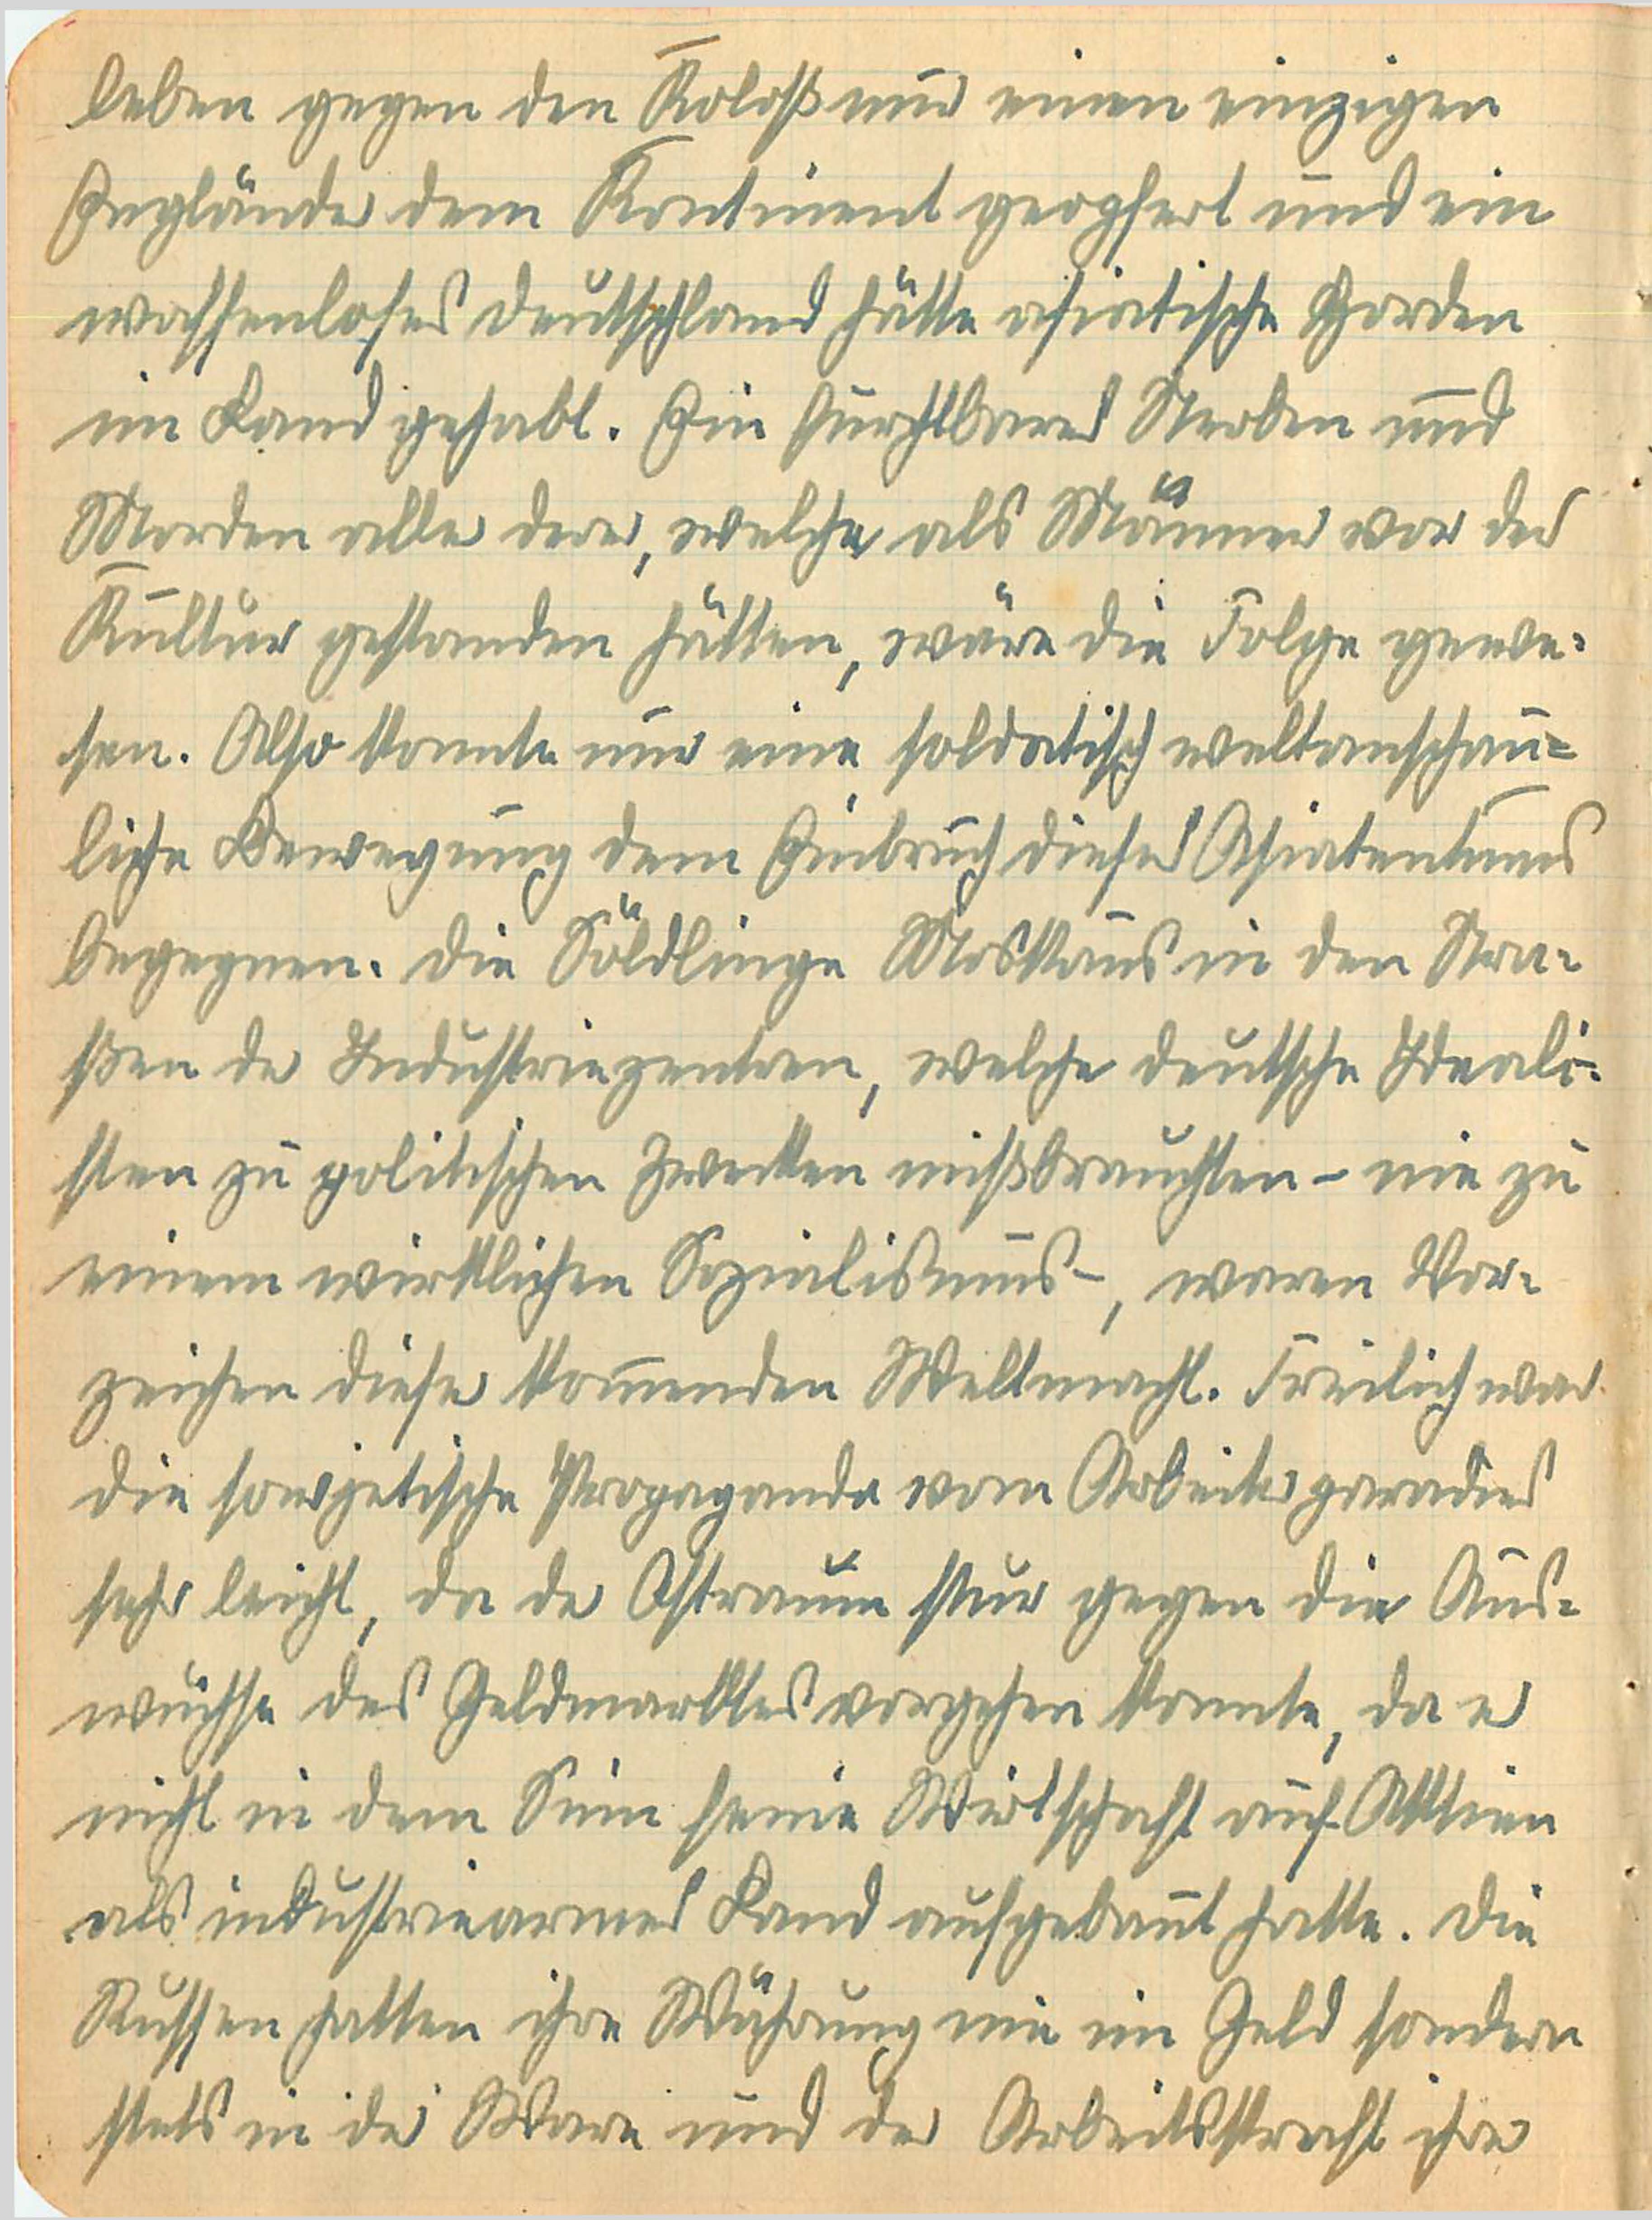leben gegen den Koloß nur einen einzigen
Engländer dem Kontinent geopfert und ein
waffenloses Deutschland hätte asiatische Horden
im Land gehabt. Ein furchtbares Sterben und
Morden aller derer, welche als Männer vor der
Kultur gestanden hätten, wäre die Folge gewe-
sen. Also konnte nur eine soldatisch weltanschau-
liche Bewegung dem Einbruch dieses Asiatentums
begegnen. Die Söldlinge Moskaus in den Stra-
ßen der Industriezentren, welche deutsche Ideali-
sten zu politischen Zwecken mißbrauchten – nie zu
einem wirklichen Sozialismus –, waren Vor-
zeichen dieser kommenden Weltmacht. Freilich war
die sowjetische Propaganda vom Arbeiterparadies
sehr leicht, da der Ostraum stur gegen die Aus-
wüchse des Geldmarktes vorgehen konnte, da er
nicht in dem Sinn seine Wirtschaft auf Aktien
als industriearmes Land aufgebaut hatte. Die
Russen hatten ihre Währung nie im Geld sondern
stets in der Ware und der Arbeitskraft ihrer